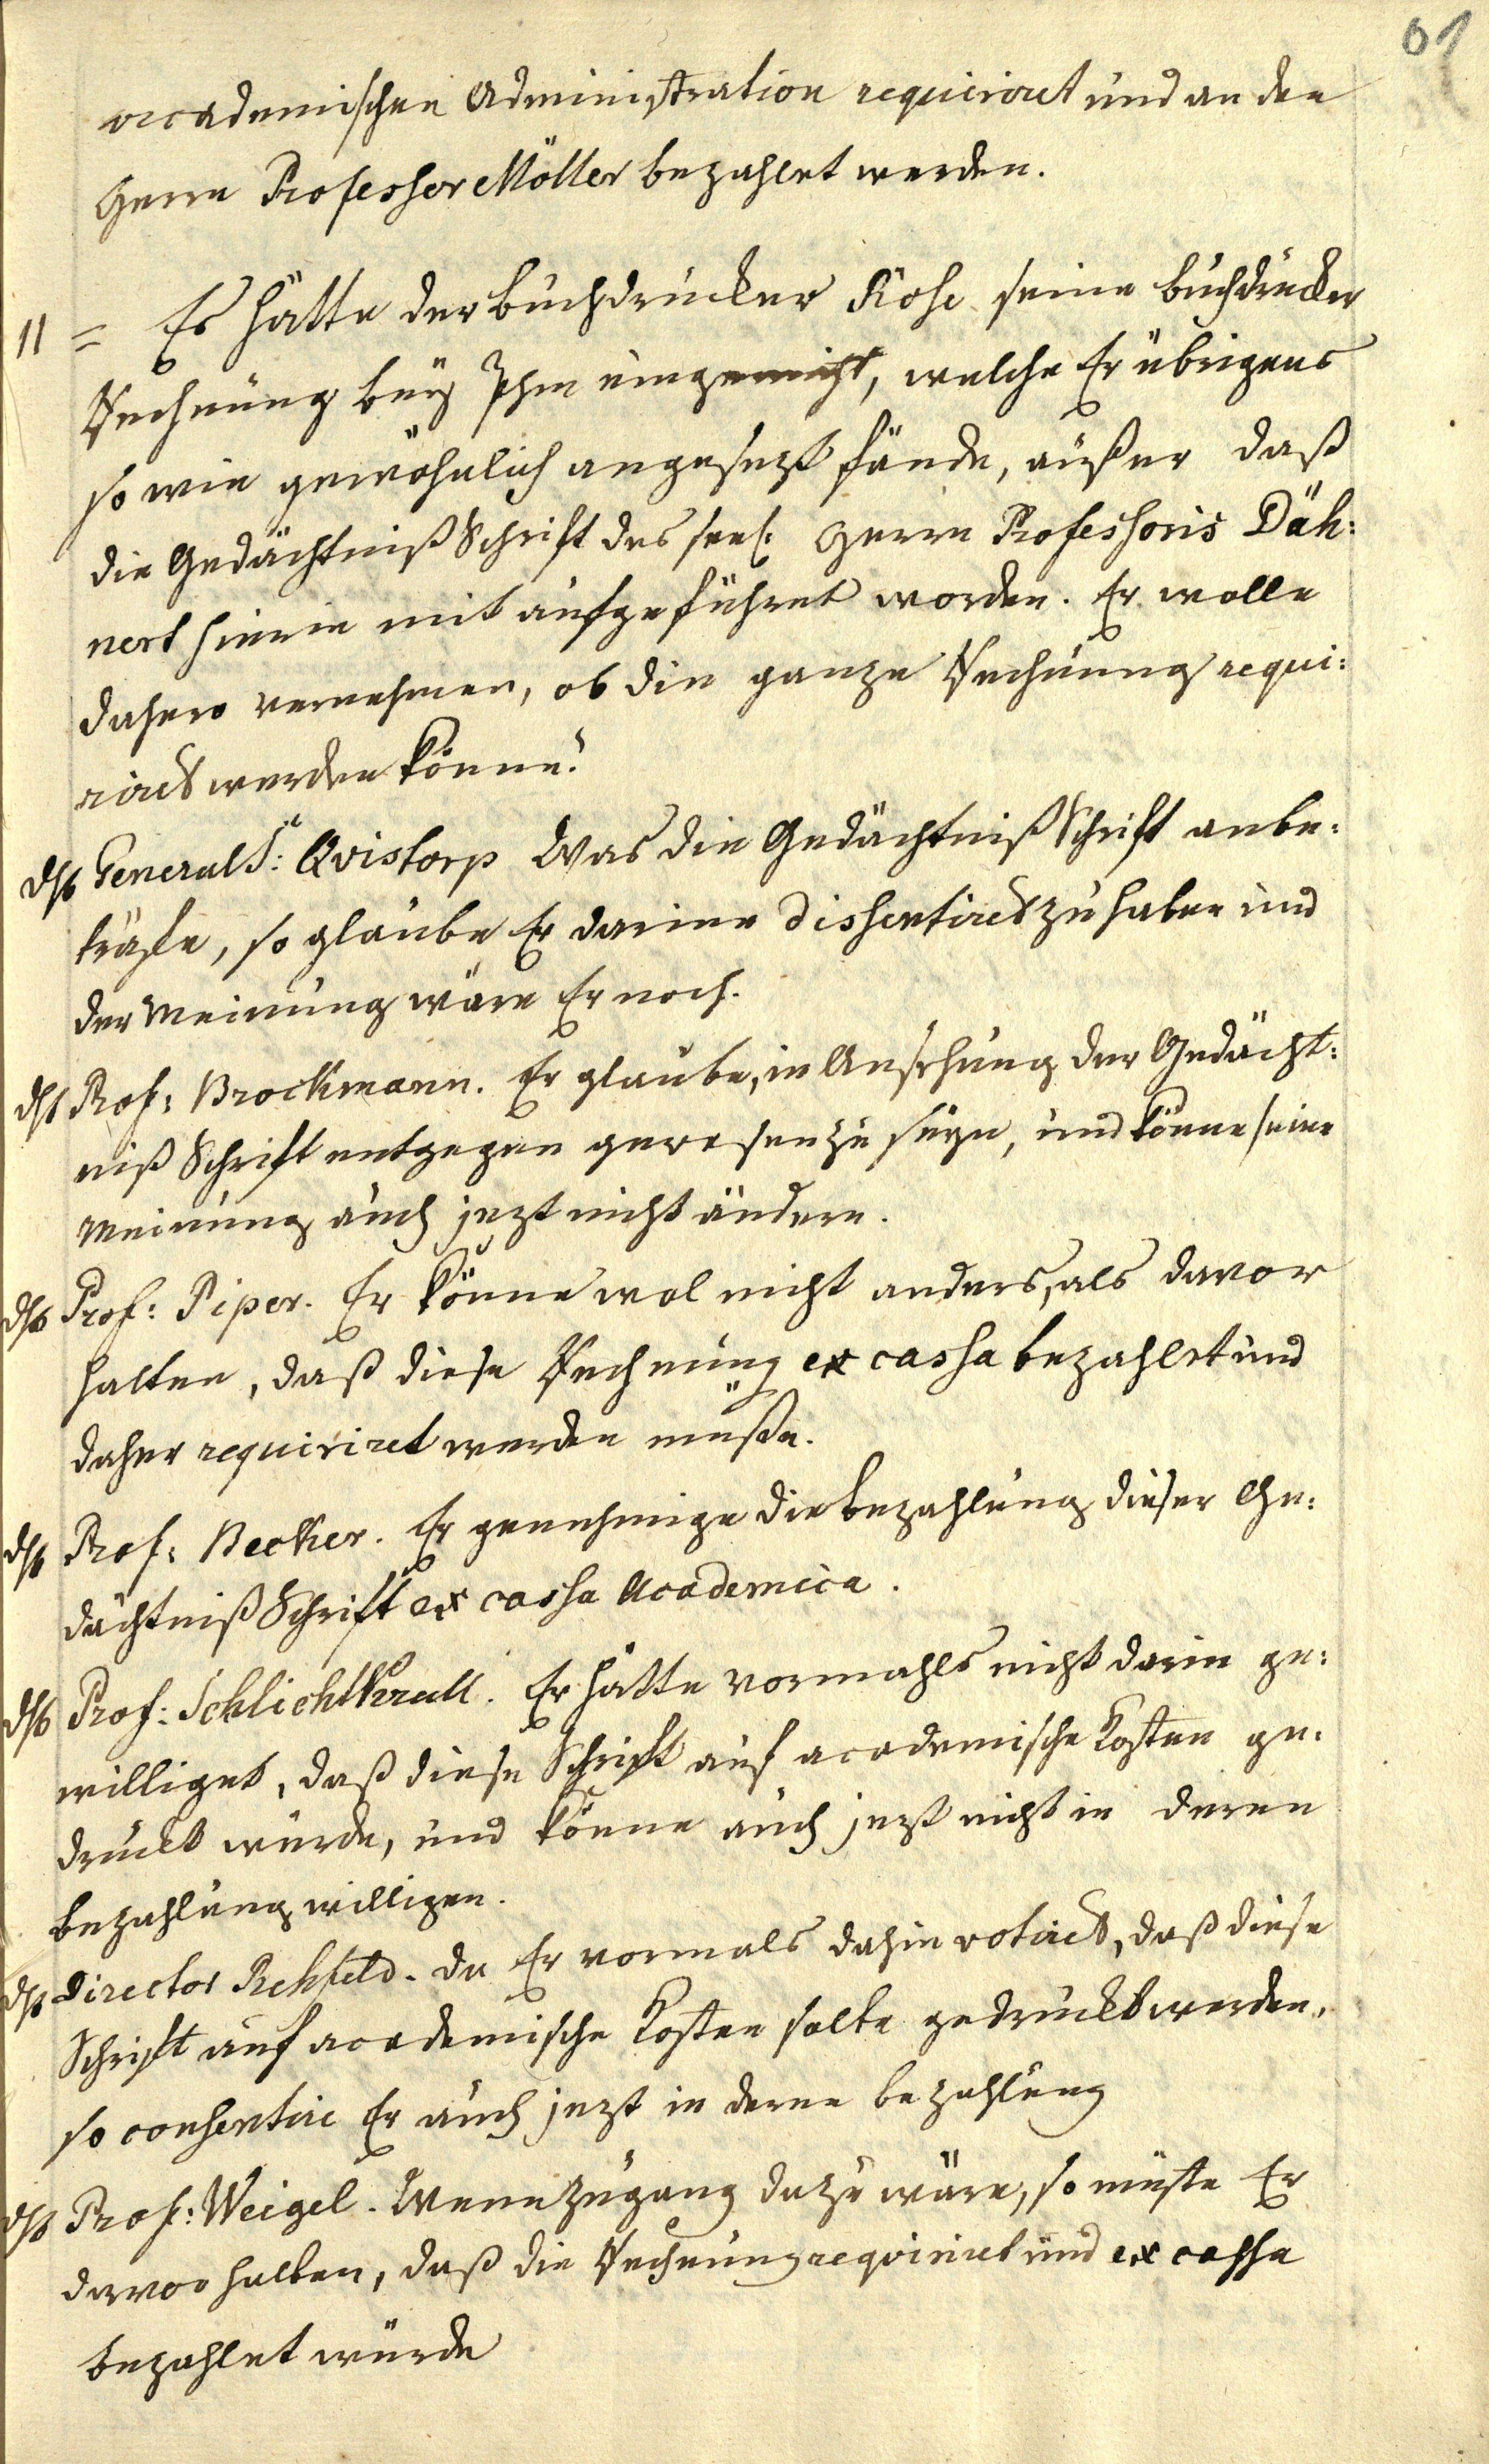academischen Administration requiriret und an den
Herrn Professor Möller bezahlet werden.
11 Es hätte der Buchdrucker Röse seine Buchdrucker
Rechnung beÿ Ihm eingereicht, welche Er übrigens
so wie gewöhnlich angesezt fände, außer daß
die Gedächtniß Schrift des seel. Herrn Professoris Däh¬
nert hierin mit aufgeführet worden. Er wolle
dahero vernehmen, ob die ganze Rechnung requi¬
riret werden könne?
dh GeneralS. Quistorp Was die Gedächtniß Schrift anbe¬
träfe, so glaube Er darinn dissentiret zu haben und
der Meinung wäre Er noch.
dh Prof. Brockmann. Er glaube, in Ansehung der Gedächt¬
niß Schrift entgegen gewesen zu seÿn, und könne seine
Meinung auch jezt nicht ändern.
dh Prof. Piper. Er könne wol nicht anders, als davor
halten, daß diese Rechnung ex cassa bezahlet und
daher requiriret werden müße.
dh Prof. Becker. Er genehmige die Bezahlung dieser Ge¬
dächtniß Schrift ex cassa Academica.
dh Prof. Schlichtkrull. Er hätte vormahls nicht darin ge¬
williget, daß diese Schrift auf academische Kosten ge¬
druckt würde, und könne auch jezt nicht in deren
Bezahlung willigen.
dh. Director Rehfeld. die Er vormals dahin votiret, daß diese
Schrift auf academische Kosten solte gedruckt werden,
so consentire Er auch jezt in deren Bezahlung.
dh Prof. Weigel. Wenn Zugang dazu wäre, so müste Er
davor halten, daß die Rechnung requiriret und ex cassa
bezahlet würde.